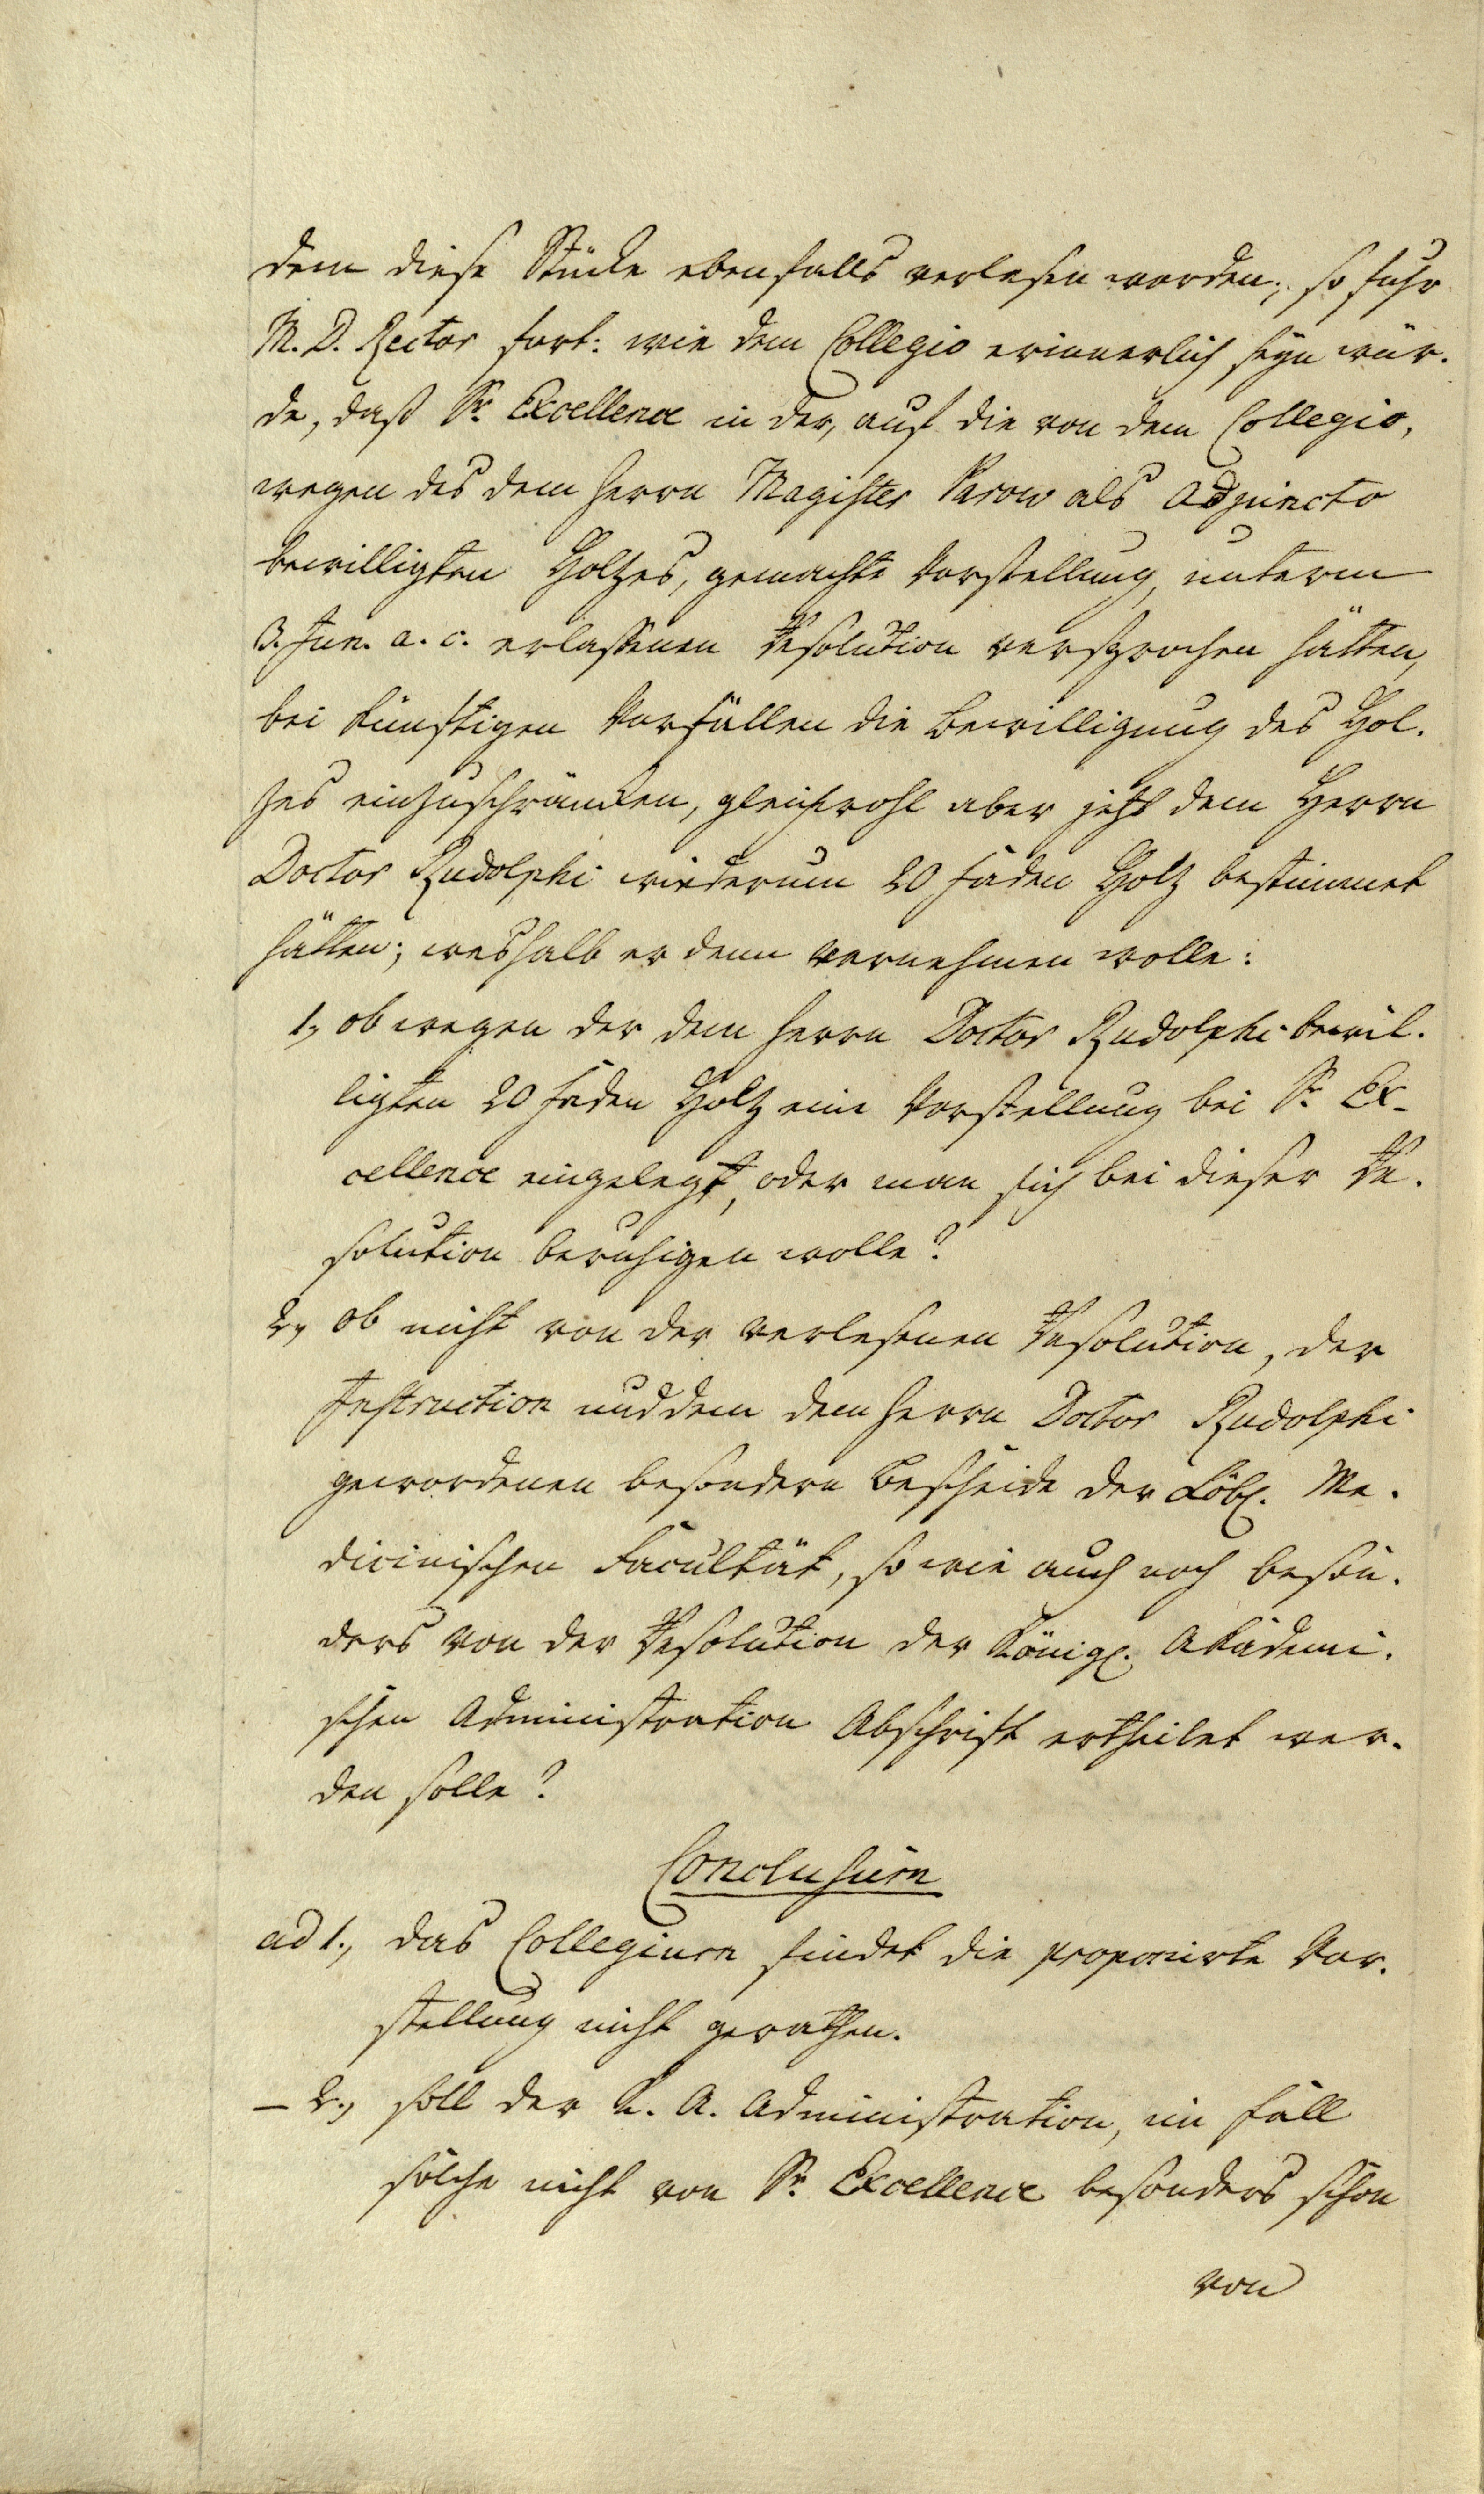dem diese Stücke ebenfalls verlesen worden, so fuhr
M. D. Rector fort: wie dem Collegio erinnerlich seÿn wür¬
de, daß Sr Excellence in der, auf die von dem Collegio,
wegen des dem Herrn Magister Parow als Adjuncto
bewilligten Holzes, gemachte Vorstellung, unterm
3. Jun. a. c. erlassenen Resolution versprochen hätten,
bei künftigen Vorfällen die Bewilligung des Hol¬
zes einzuschränken, gleichwohl aber jetzt dem Herrn
Doctor Rudolphi wiederum 20 Faden Holz bestimmet
hätten; weshalb er denn vernehmen wolle:
1, ob wegen der dem Herrn Doctor Rudolphi bewil¬
ligten 20 Faden Holz eine Vorstellung bei Sr Ex¬
cellence eingelegt, oder man sich bei dieser Re¬
solution beruhigen wolle ?
2., ob nicht von der verlesenen Resolution, der
Instruction und dem dem Herrn Doctor Rudolphi
gewordenen besondern Bescheide der Löbl. Me¬
dicinischen Facultät, so wie auch noch beson¬
ders von der Resolution der Königl. Akademi¬
schen Administration Abschrift ertheilet wer¬
den solle?
Conclusum
ad 1., das Collegium findet die proponirte Vor¬
stellung nicht gerathen.
2., soll der K. A. Administration, im Fall
solche nicht von Sr Excellence besonders schon
von